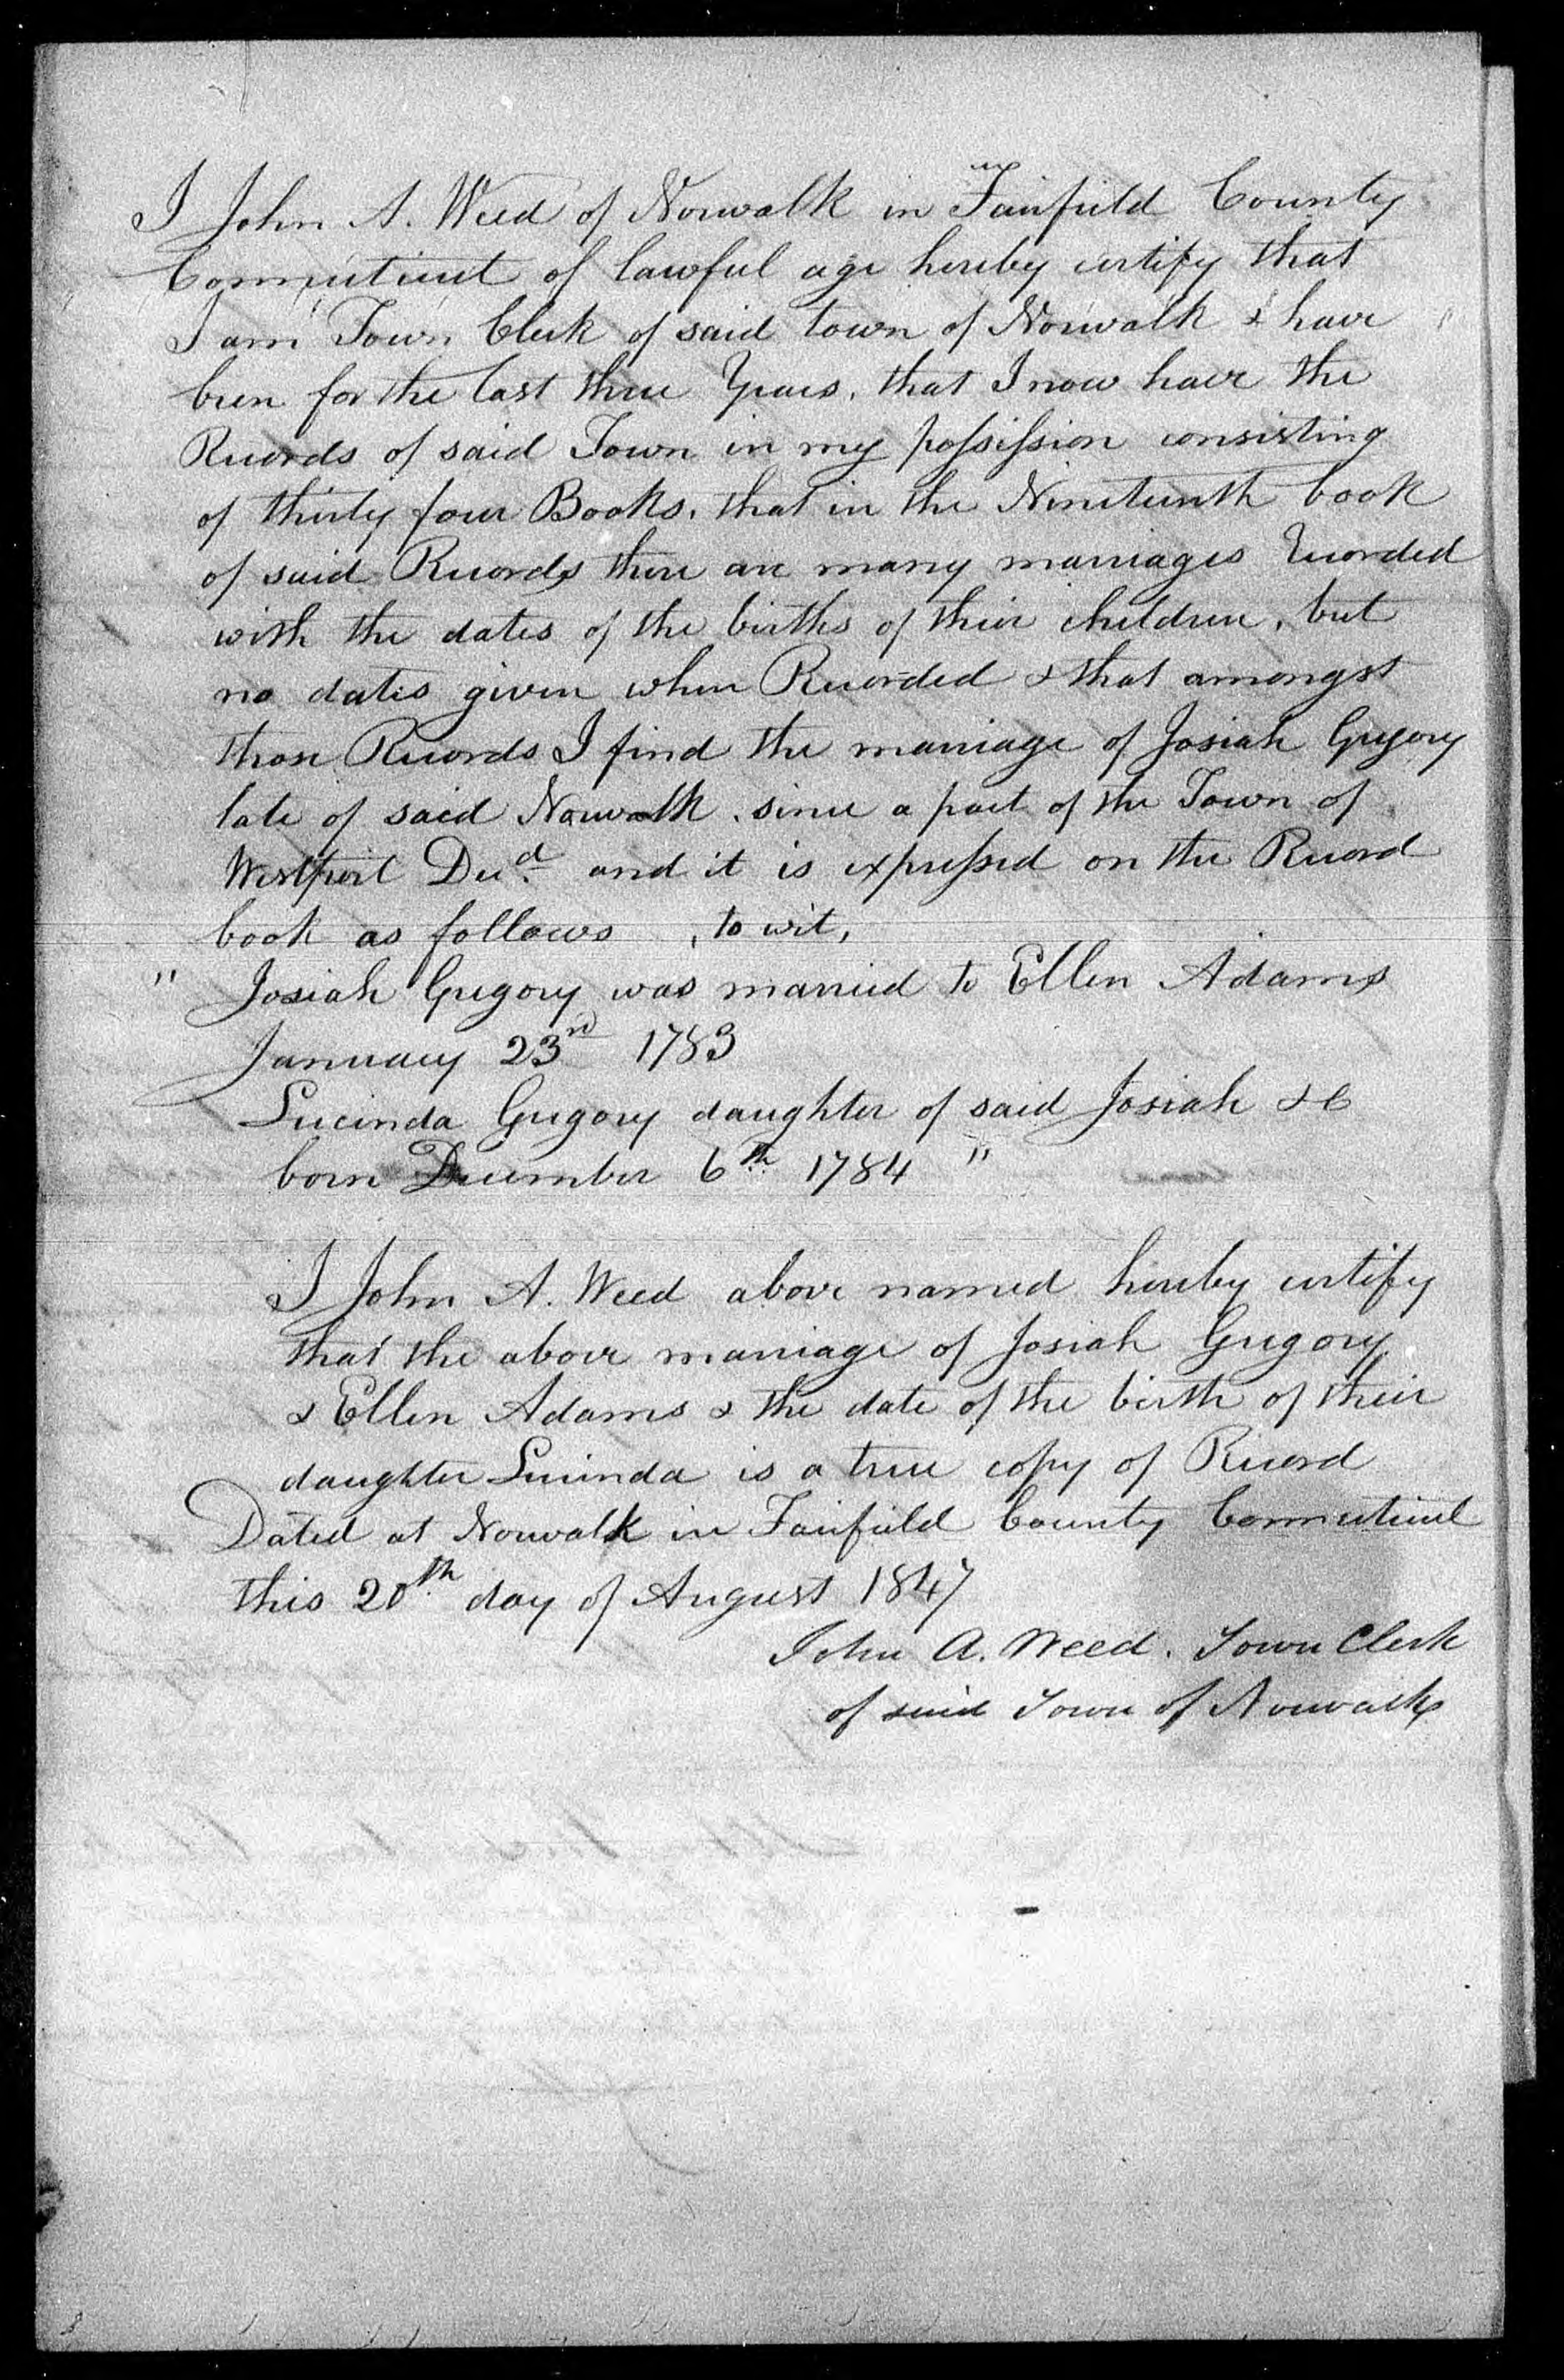I John A . Weed of Norwalk in Fairfield County Connecticut of lawful age hereby certify that I am Town Clerk of said Town of Norwalk & have been for the last three years  That I now have the Records of said Town in my possession consisting of thirty four Books, that in the Nineteenth book of said Records there are many marriages Recorded with the dates of the births of their children, but no dates given when Recorded & that amongst those Records I find the marriage of Josiah Gregory late of said Norwalk, since a part of the Town of Westport Decd. and it is expressed on the Record book as follows, to wit, 
"Josiah Gregory was married to Ellen Adams January 23rd 1783
Lucinda Gregory daughter of said Josiah & E born December 6th 1784"

I John A. Weed above named hereby certify that the above marriage of Josiah Gregory & Ellen Adams & the date of the birth of their daughter Lucinda is a true copy of Record Dates at Norwalk in Fairfield County Connecticut this 20th day of August 1847.
       [Signed]   John A. Weed Town Clerk
                        of said Town of Norwalk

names: Lucinda, Josiah Gregory, Ellen Adams, Josiah Gregory, John A Weed, John A Weed, Josiah H, Lucinda Gregory, Josiah Gregory, John A Weed, Ellen Adams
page: 17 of 49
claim: widow's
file: W 24308, Josiah Gregory, Conn.